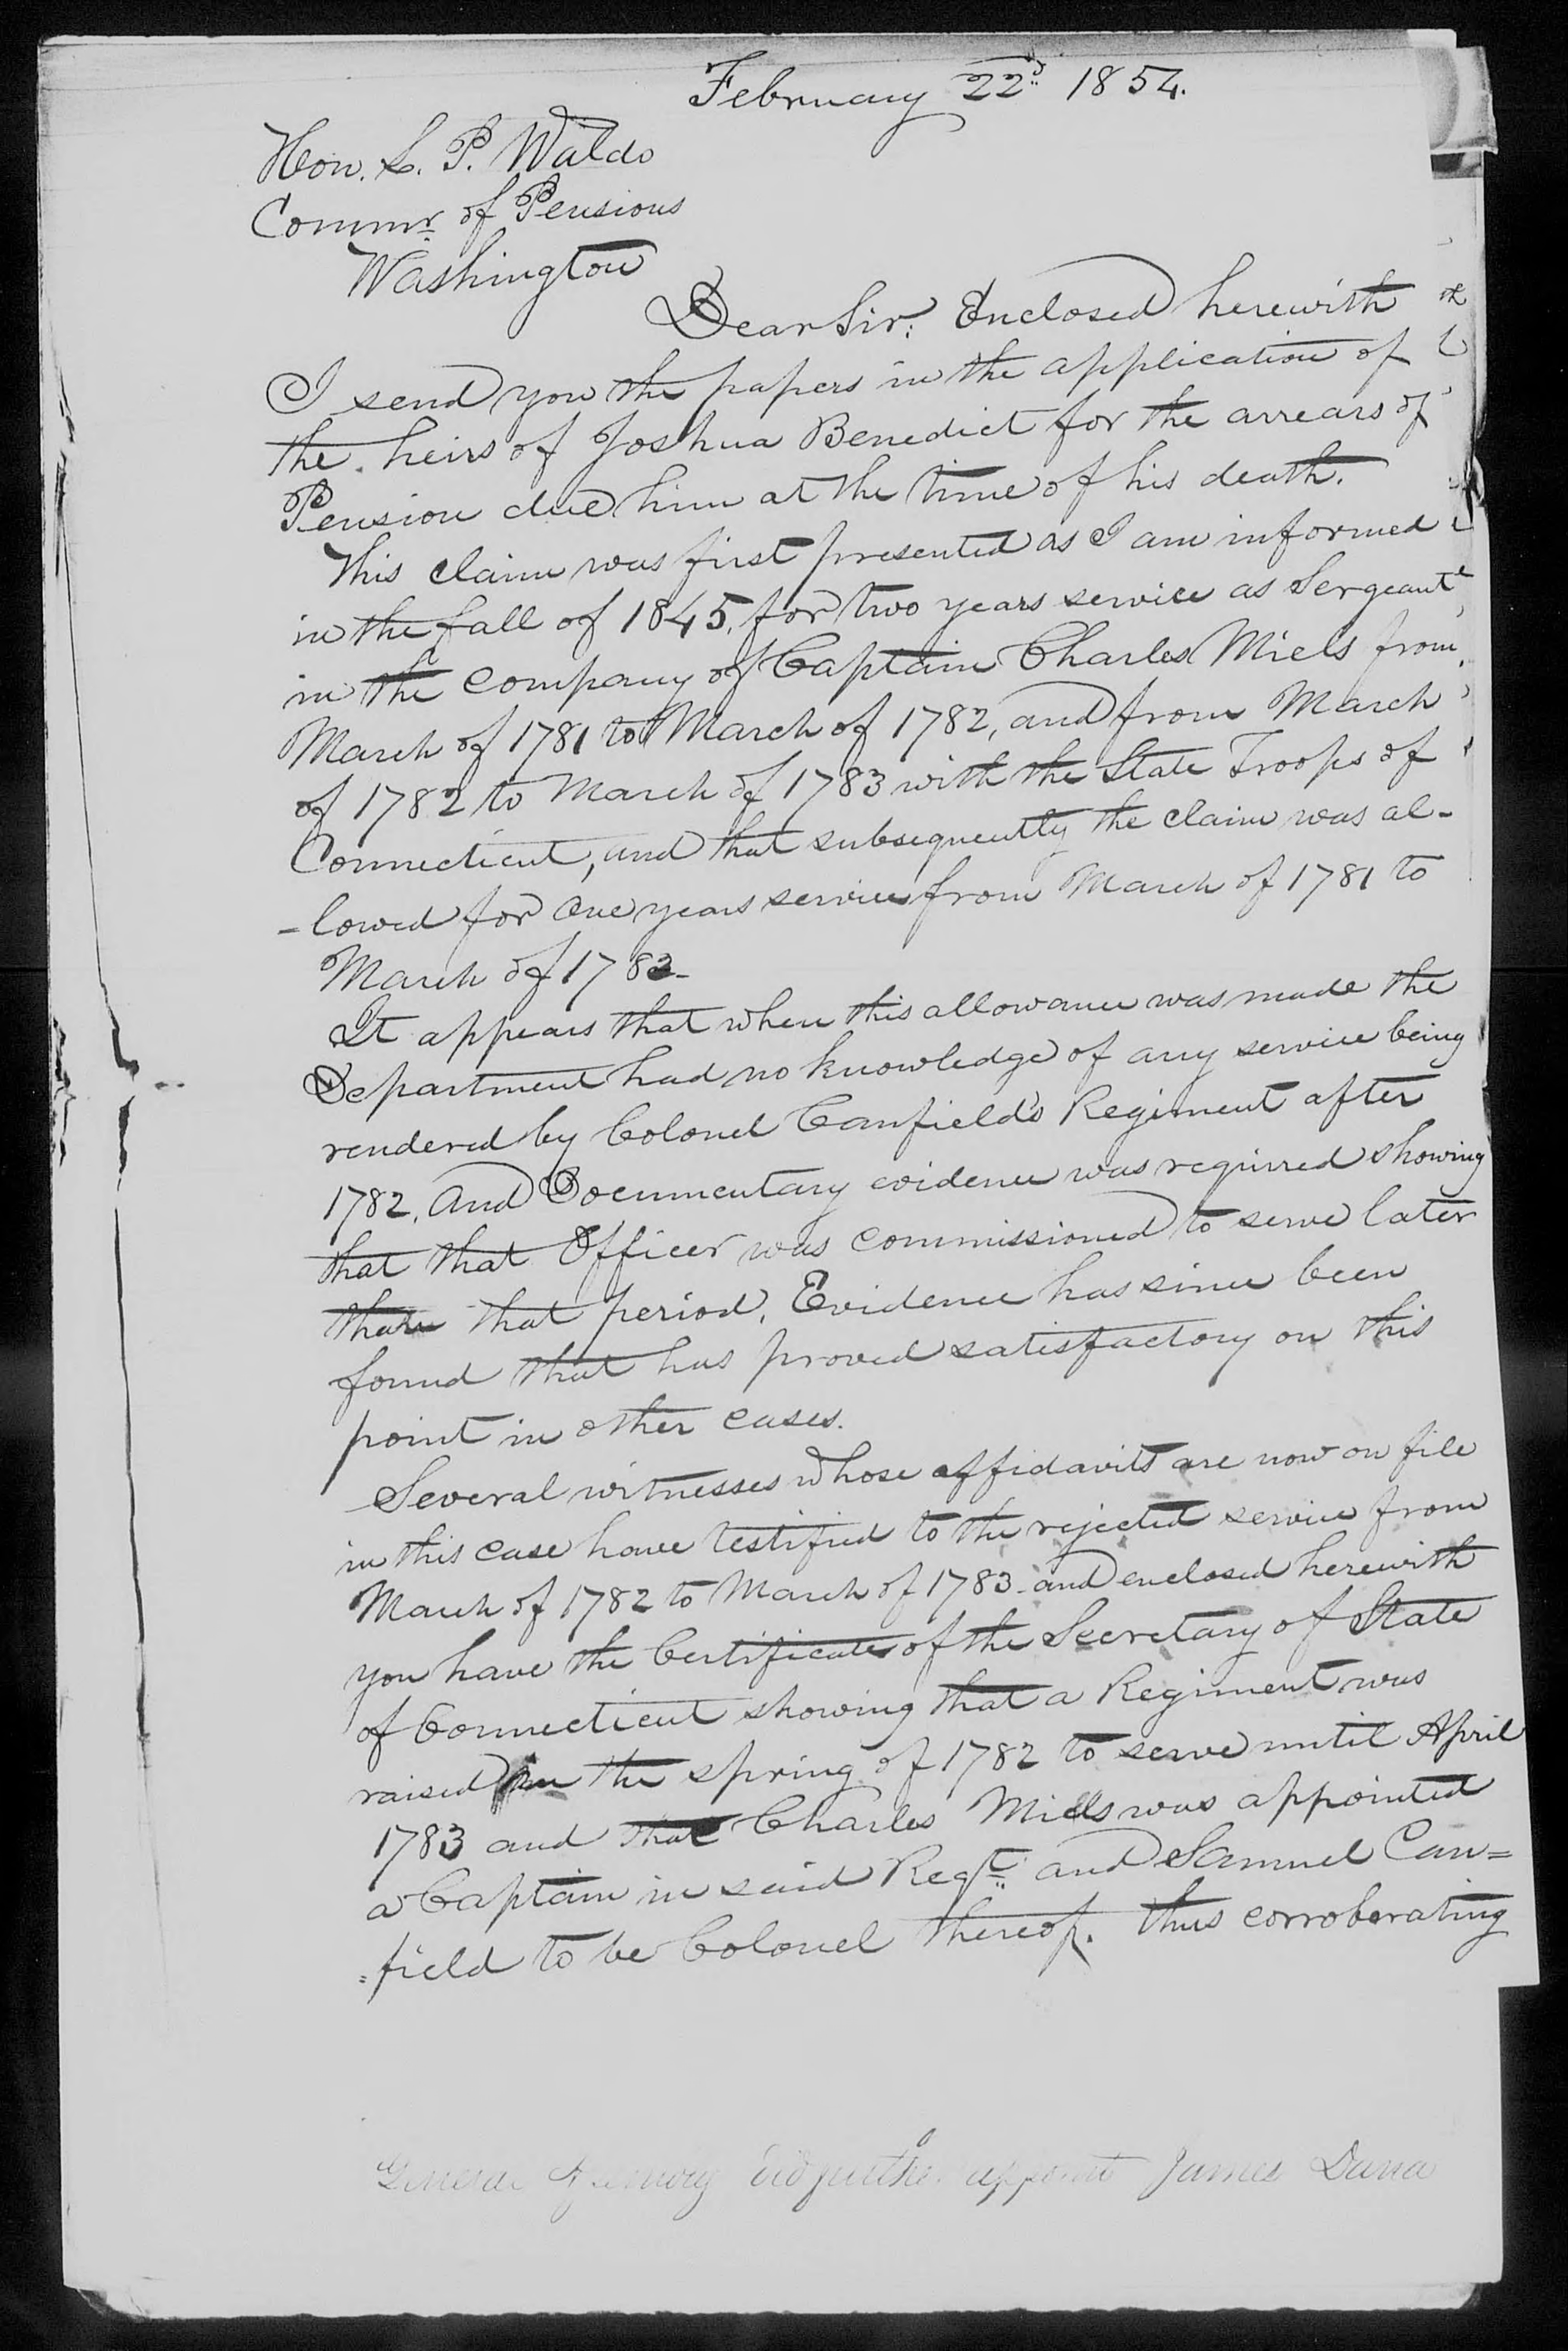February 22d. 1854.

Hon. L. P. Waldo
Commr. of Pensions
Washington

Dear Sir: Enclosed herewith I send you the papers in the application of the heirs of Joshua Benedict for the arrears of Pension due him at the time of his death.
This claim was first presented as I am informed in the fall of 1845. for two years service as Sergeant in the Company of Captain Charles Miels from March of 1781 to March of 1782, and from March of 1782 to March of 1783 with the State Troops of Connecticut, and that subsequently the claim was allowed for one years service from March of 1781 to March of 1782.
It appears that when this allowance was made the Department had no knowledge of any service being rendered by Colonel Canfield's Regiment after 1782 and Documentary evidence was required showing that that Officer was Commissioned to serve later than that period. Evidence has since been found that has proved satisfactory on this point in other cases.
Several witnesses whose affidavits are now on file in this case have testified to the rejected services from March of 1782 to March of 1783 and enclosed herewith you have the Certificates of the Secretary of State of Connecticut showing that a Regiment was raised for the spring of 1782 to serve until April 1783 and that Charles Miels was appointed as Captain in said Regt. and Samuel Canfield to be Colonel thereof. thus corroborating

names: Joshua Benedict, L P Waldo, Charles Miel, Samuel Canfield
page: 87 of 106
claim: survivor's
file: S 23,116., Joshua Benedict, Conn.